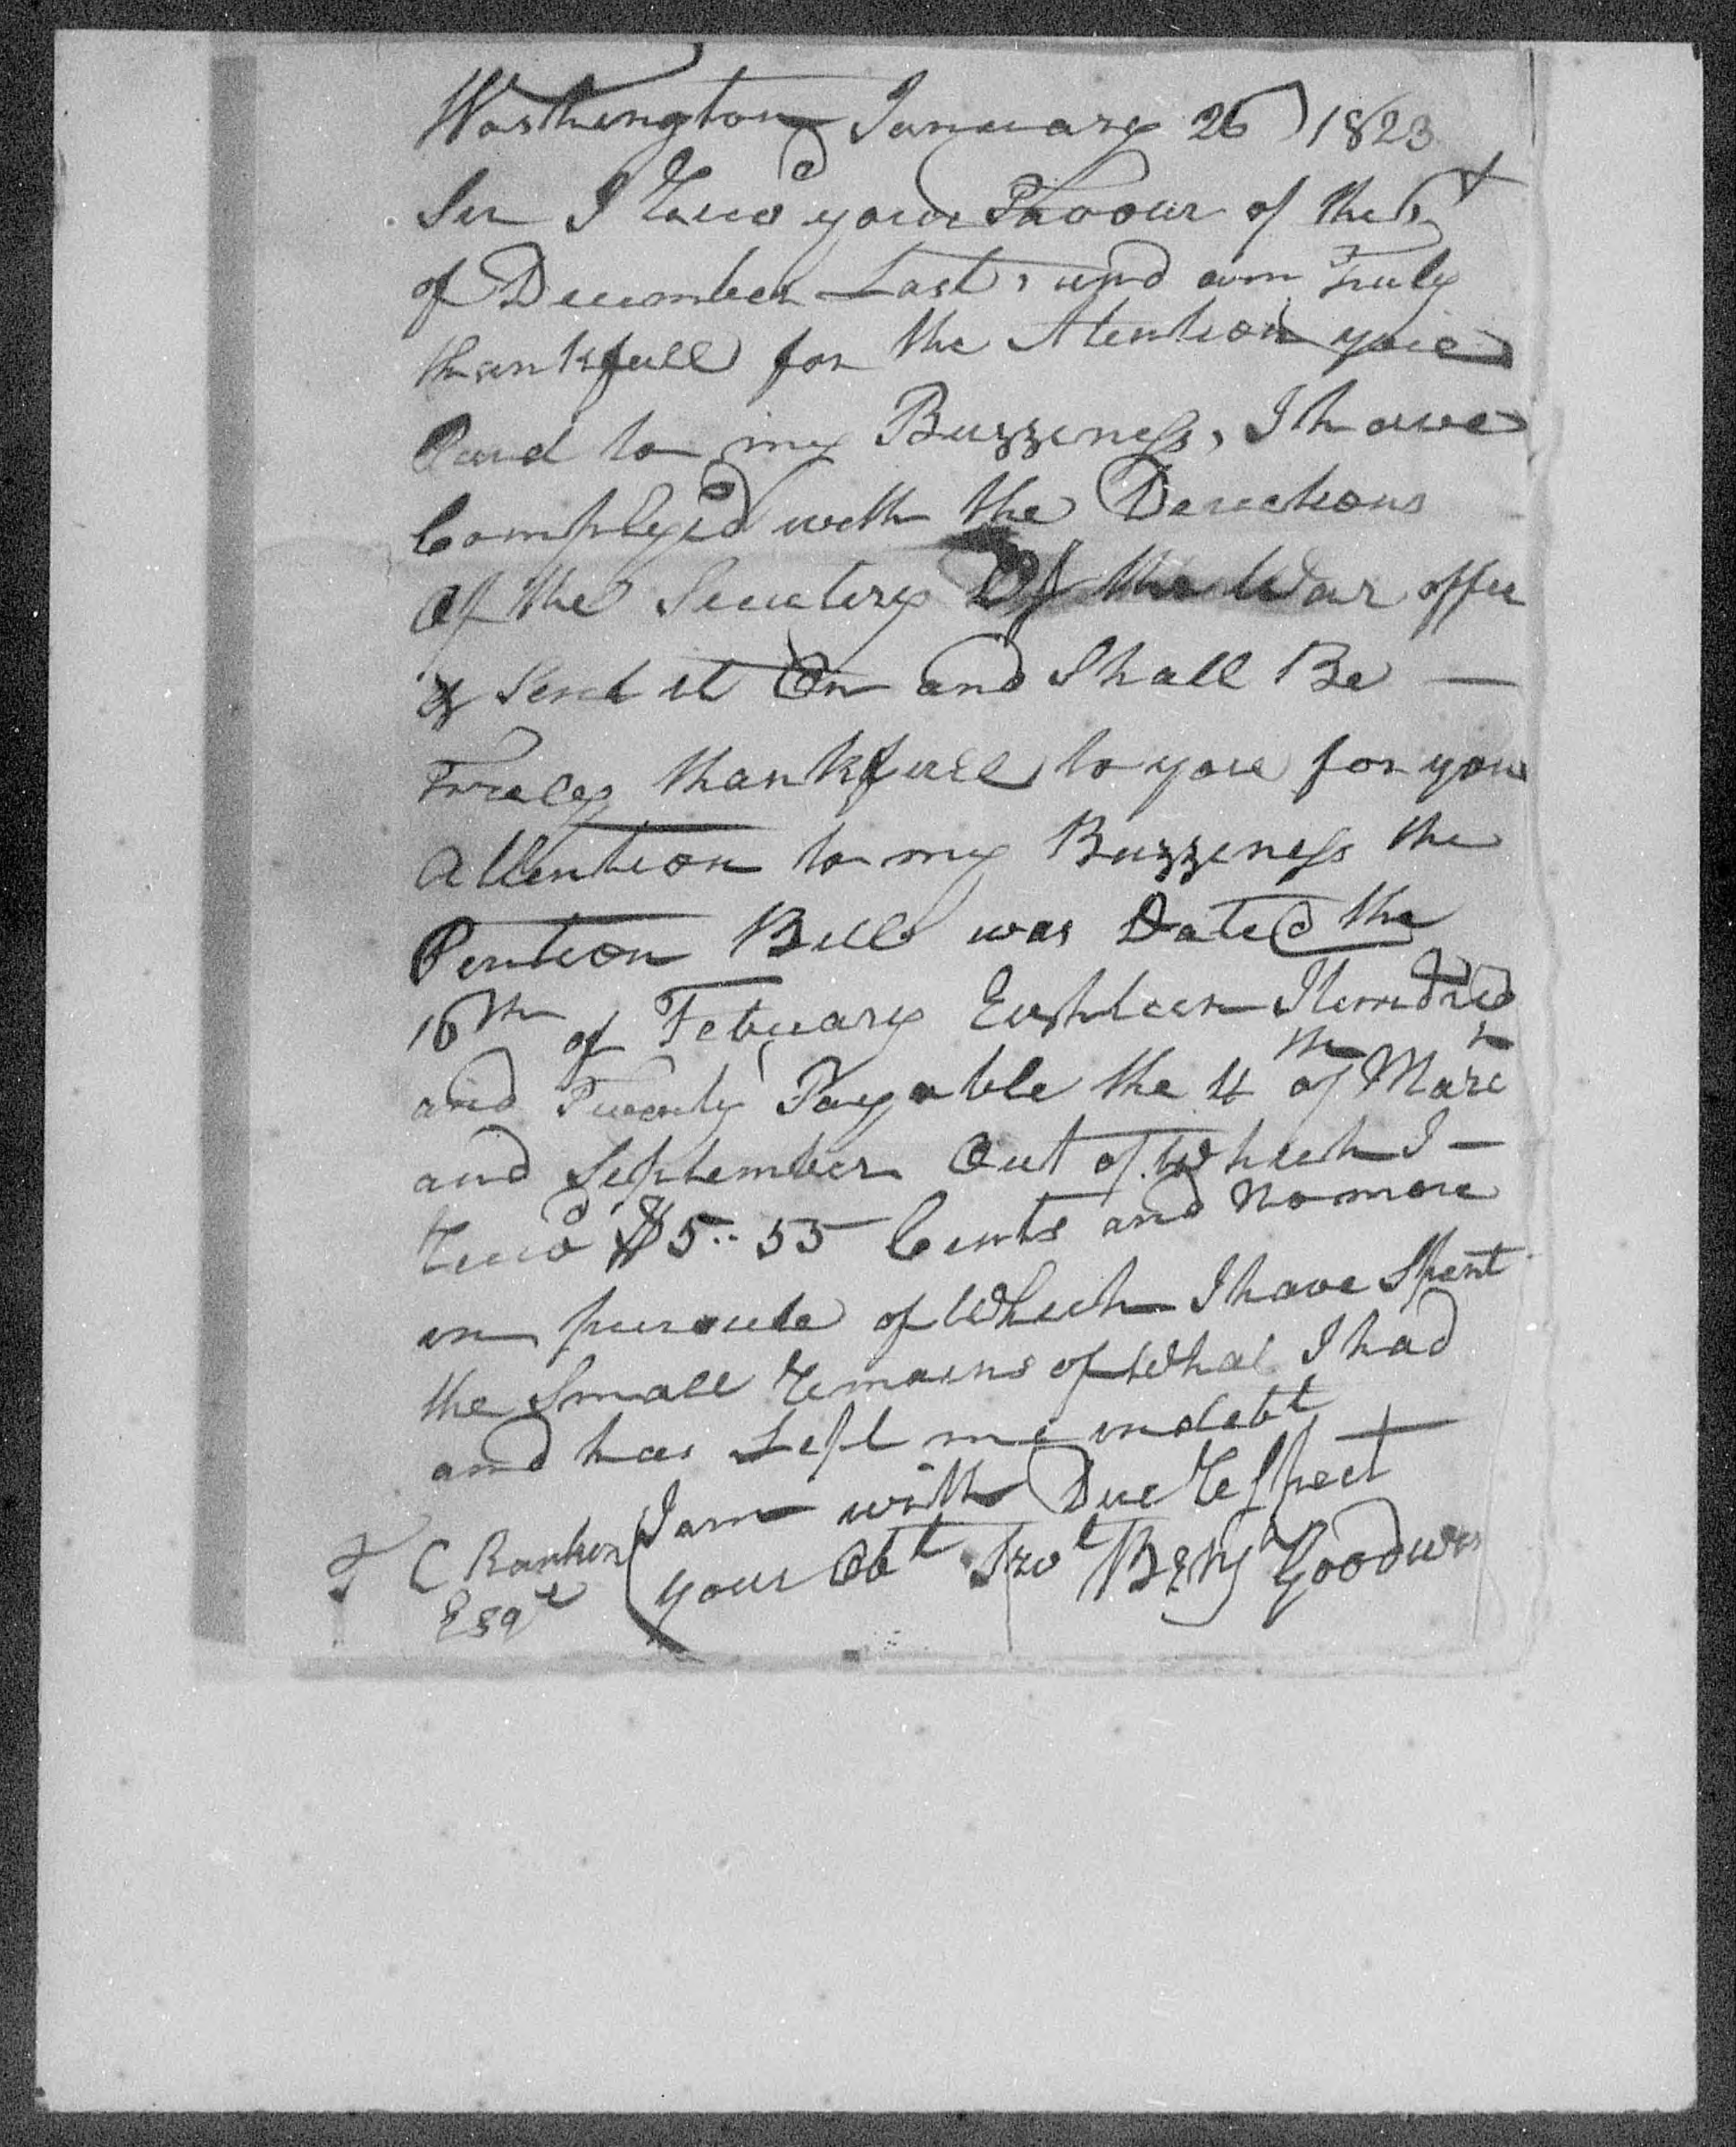Washington January 26 1823
Sir I Recd your Phoour(?) of the 6th of December Last, and am Truly Thankfull for the Attention you Paid to my Buzziness (Business), I have complyed with the Directions of the Secretary of the War office & Sent it on and Shall Be Truly thankfull to you for your Attention to my Buzziness (Business) the Pention (Pension) Bill was Dated the 16th of Febrary Eighteen Hundred and Twenty Payable the 4th of Marc and September Out of Which I Recd. $5.55 Cents and no more in pursute (pursuit) of which I have spent the small remains of what I had and has Left me in debt
2 C. Rankin Esqr
I am with Due Respect 
Your Obt Srvt
Benj Goodwin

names: Benj Goodwin, C Rankin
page: 16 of 24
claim: survivor's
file: S. 34903, Benjamin Goodwin, Va.